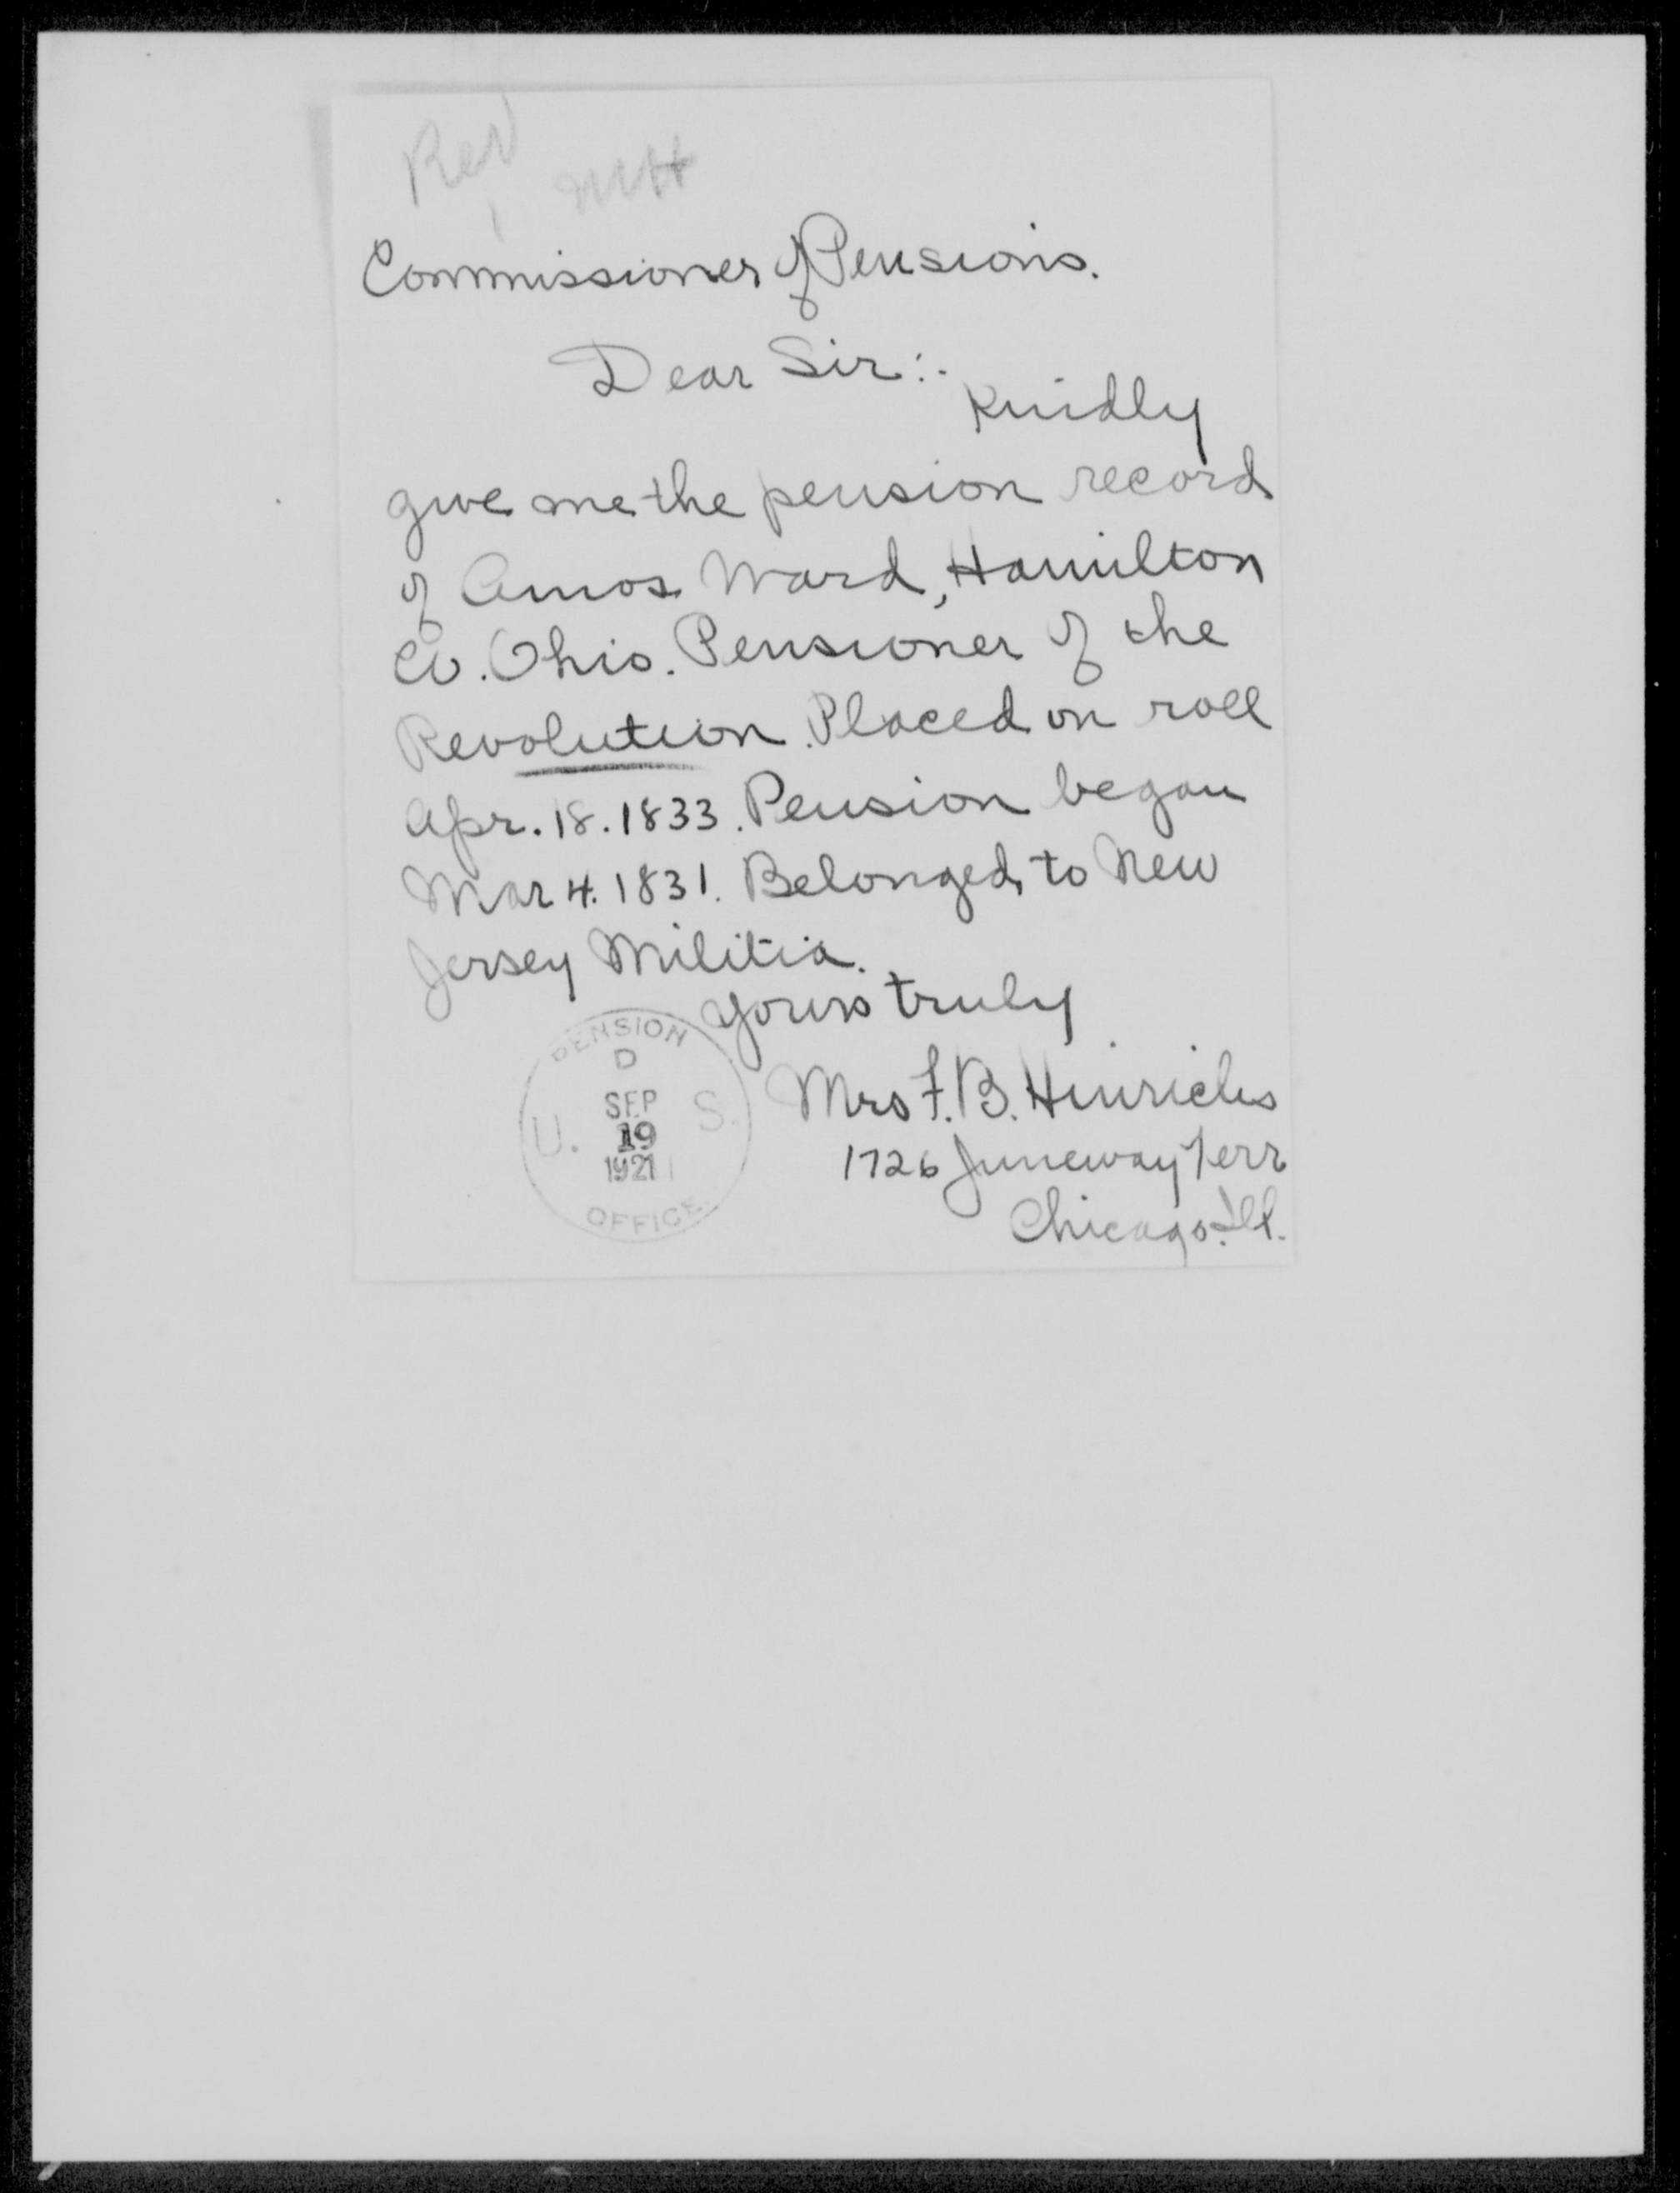Rev MH
Commissioner of Pensions.
 Dear Sir: 
kindly give me the pension record of Amos Ward, Hamilton Co. Ohio.  Pensioner of the Revolution.  Placed on roll Apr. 18. 1833, Pension began Mar 4. 1831. Belonged to New Jersey Militia 
Yours truly 
Mrs F. B. Henricks 
1726 Juneway Terr 
Chicago. Ill.


[rouns stamp located in lower left of page with following printing inside it:] U.S. PENSION OFFICE    SEP 19 1921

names: Amos Ward, F B Hinrichs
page: 10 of 18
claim: survivor's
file: S. 4718, Amos Ward, New Jersey